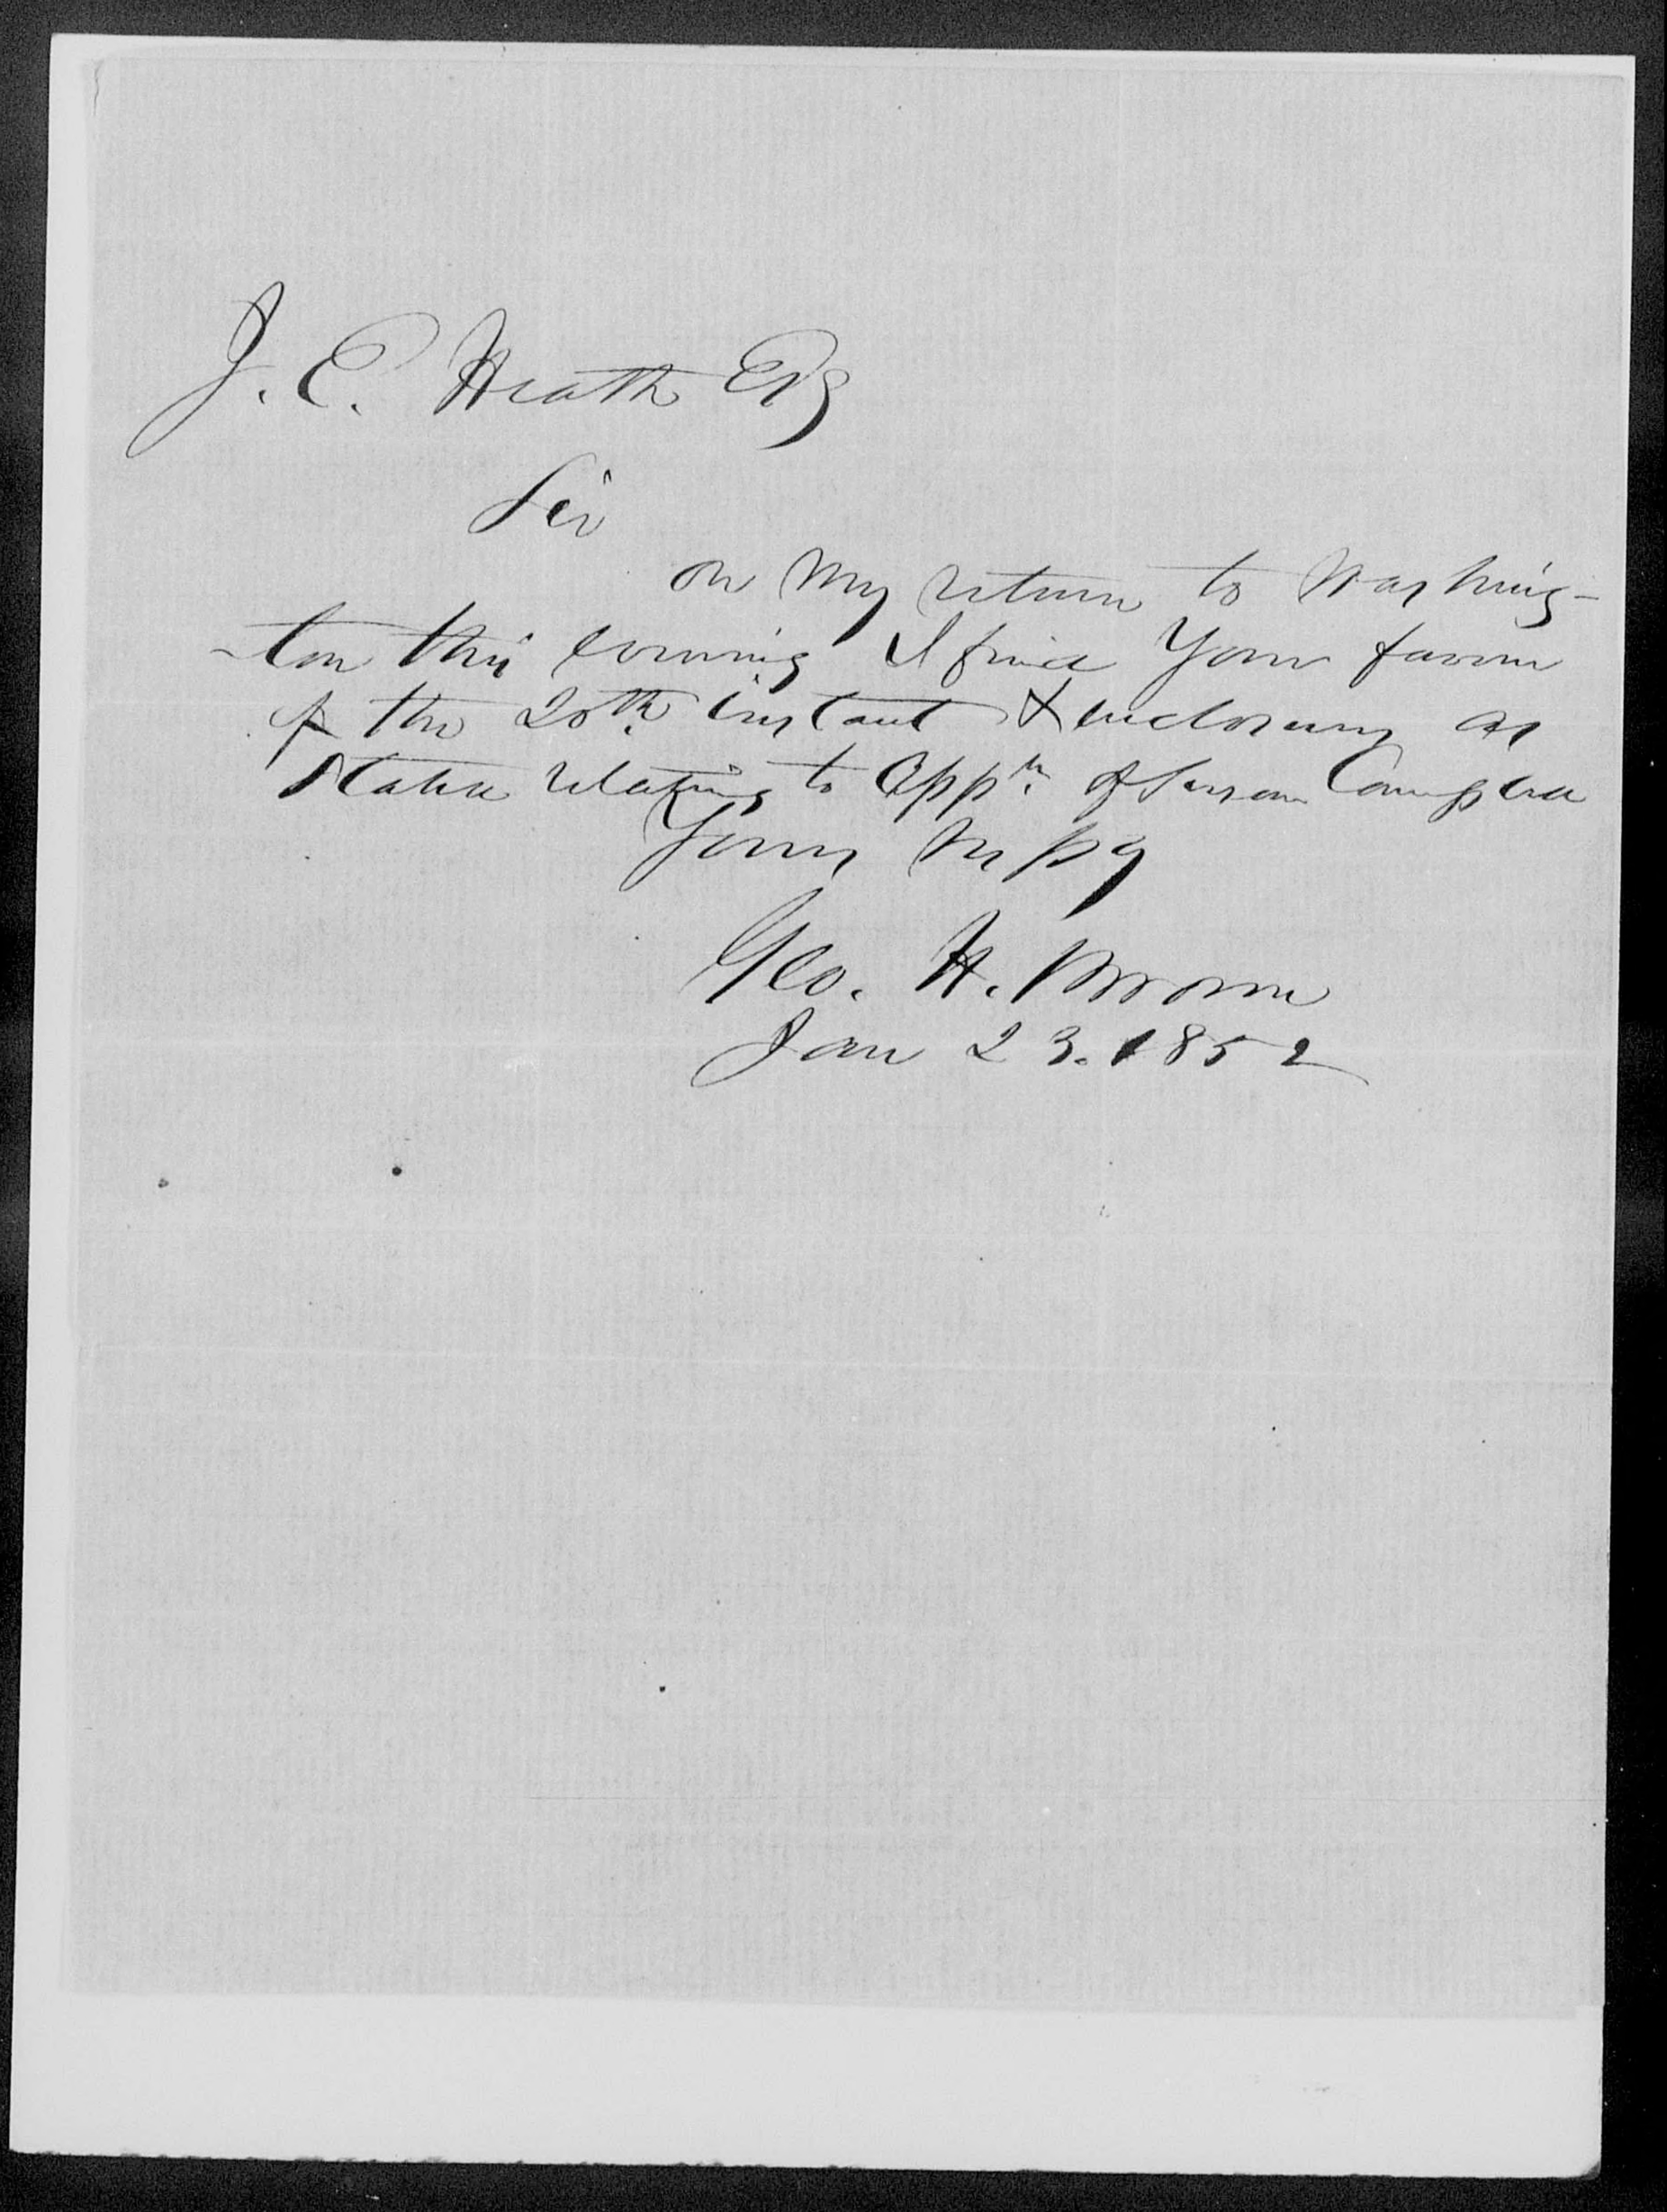J. E. Heath Esq
Sir
on my return to Washington this evening I find your favour of the 20th instant & enclosing as statute relations to Appn. of Susan Campbell
Yours respy
Geo. H. Bown
Jan 23. 1852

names: Geo H Brown, Geo H Brown, J E Heath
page: 129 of 267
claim: widow's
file: W. 4,149, William Campbell, Va.